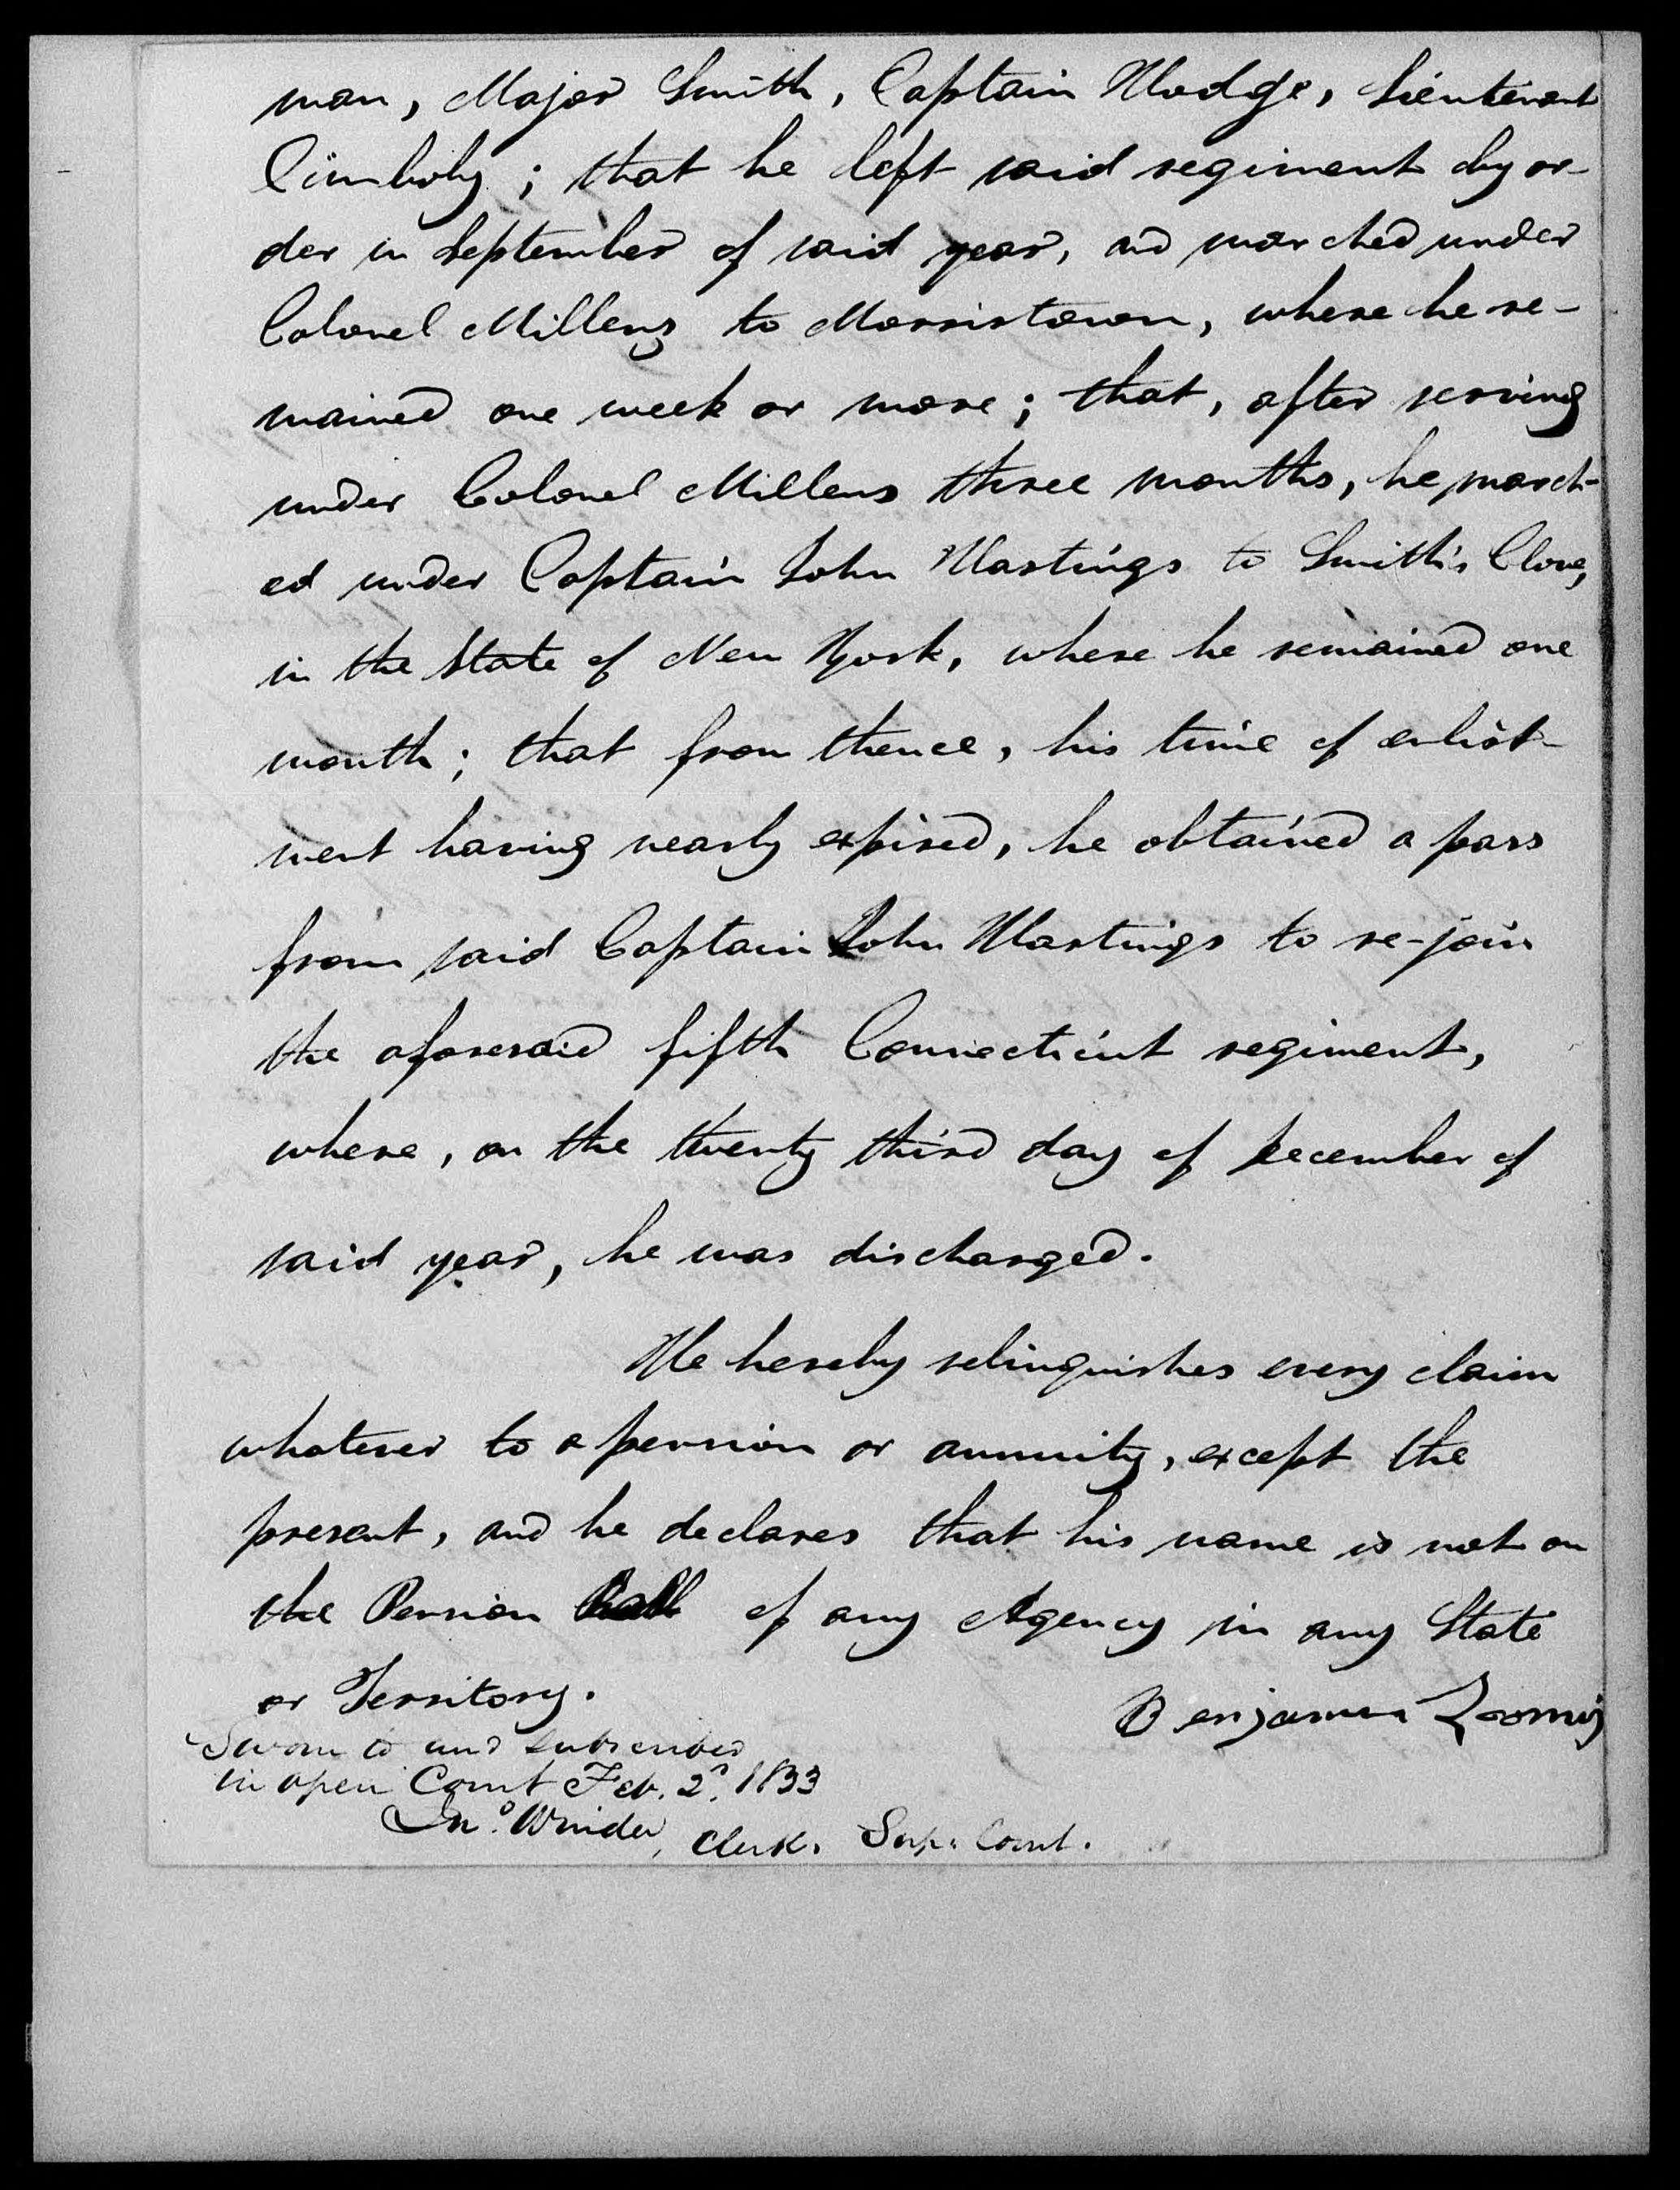man [Sherman], Major Smith, Captain Hodge, Lieutenant Cimboly; that he left said regiment duly order in September of said year, and marched under Colonel Millers to Morristown, where he remained one week or more; that, after serving under Colonel Millers three months, he marched under Captain John Martings to Smith's Clove in the State of New York, where he remained one month; that from thence, his time of enlistment having nearly expired, he obtained a pass from said Captain John Martings to re-join the aforesaid fifth Connecticut regiment, where on the twenty third day of December of said year, he was discharged.
He hereby relinquishes every claim whatever to a pension or annuity, except the present, and he declares that his name is not on the Pension Roll of any Agency in any State or Territory.
Benjamin Loomis
Sworn to and subscribed in Open Court Feb. 2nd 1833
J. Winder Clerk, Sup. Court.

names: [BLANK] Smith; [BLANK] Cimboly; Jno Winder; [BLANK] Modge; [BLANK] Milles; John Marting; Benjamin Loomis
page: 6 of 13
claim: rejected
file: R. 6441, for Benjamin Loomis, Connecticut